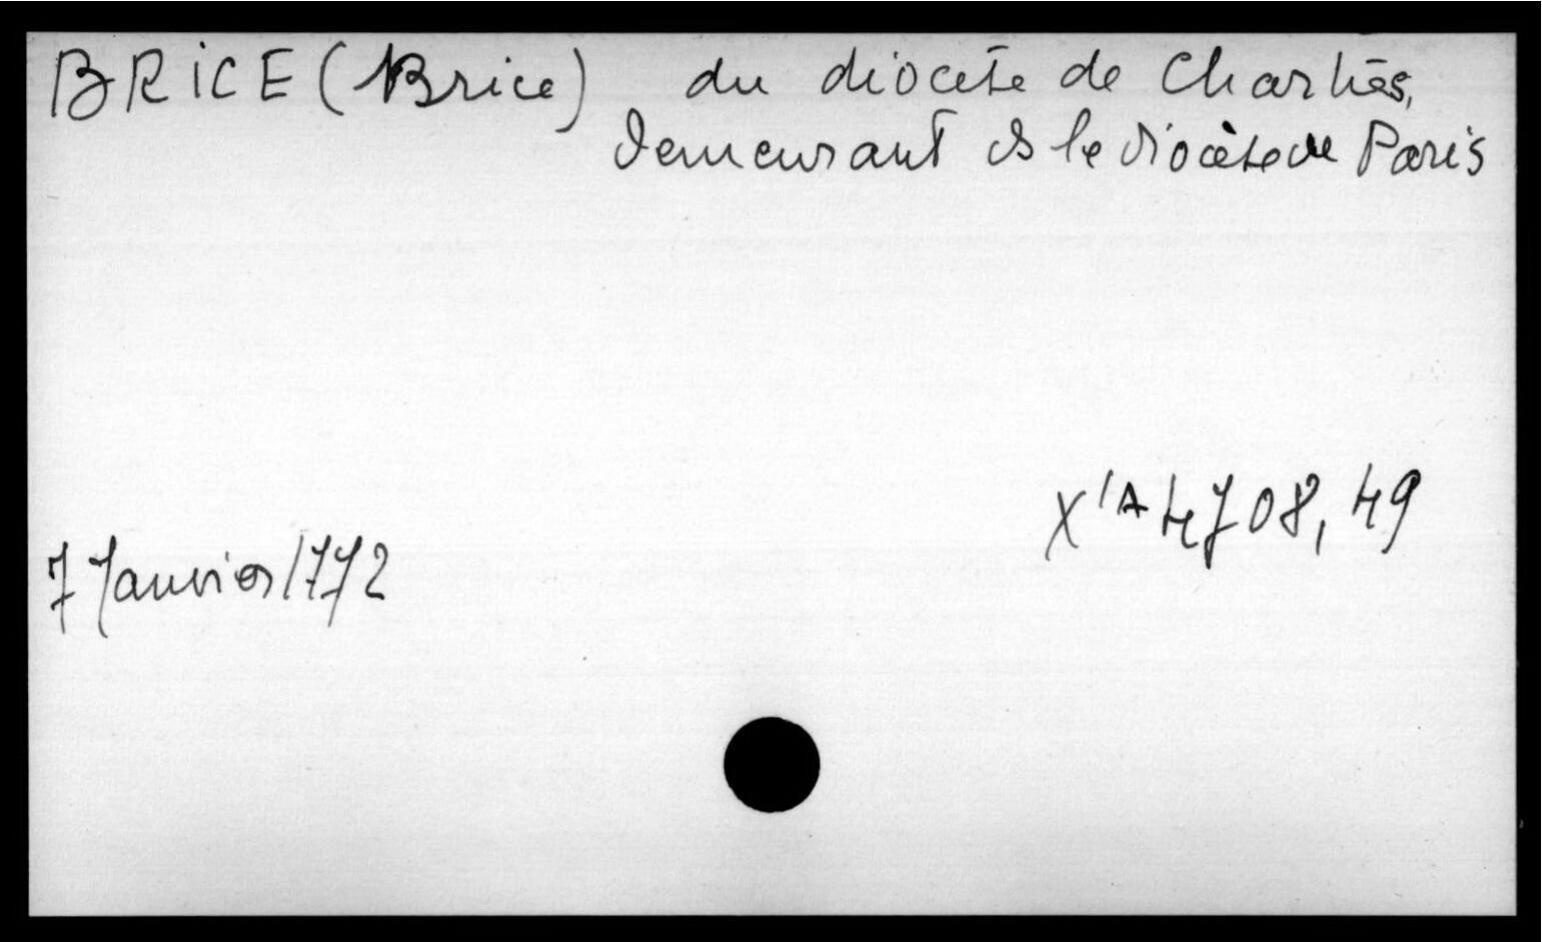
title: BRICE (Brice) du diocèse de Chartres demeurant dans le diocèse de Paris
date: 7 janvier 1772
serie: X1A
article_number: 4708
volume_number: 49
